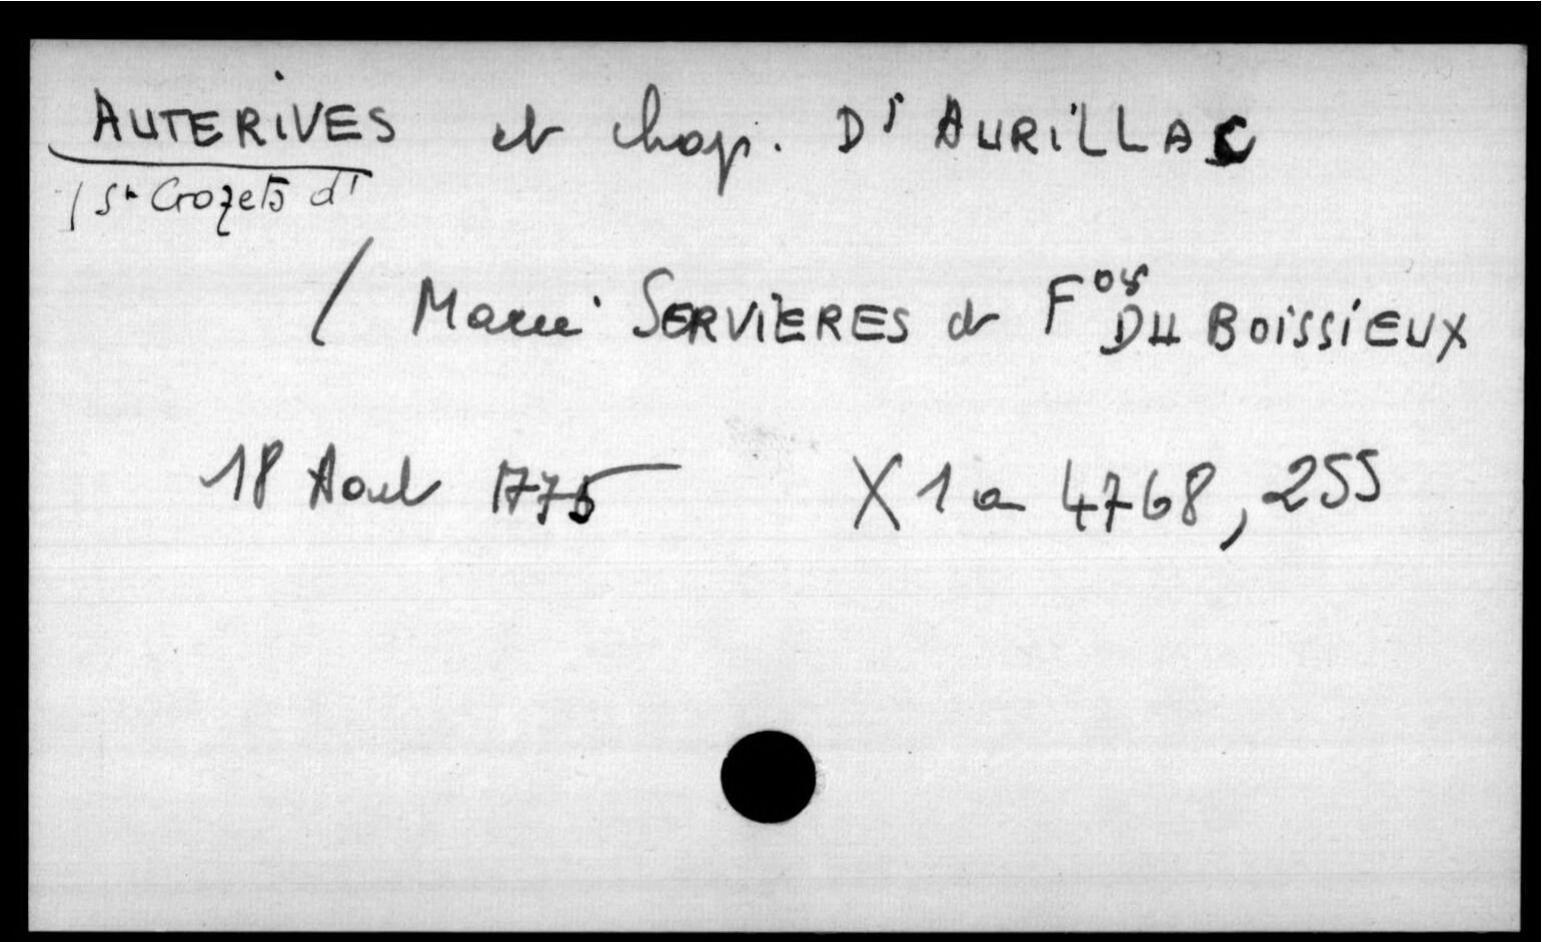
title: AUTERIVES (Saint Crozets d') et chapitre d'AURILLAc
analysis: Contre Marie SERVIERES et François DU BOISSIEUX
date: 18 août 1775
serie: X1a
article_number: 4768
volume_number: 255
